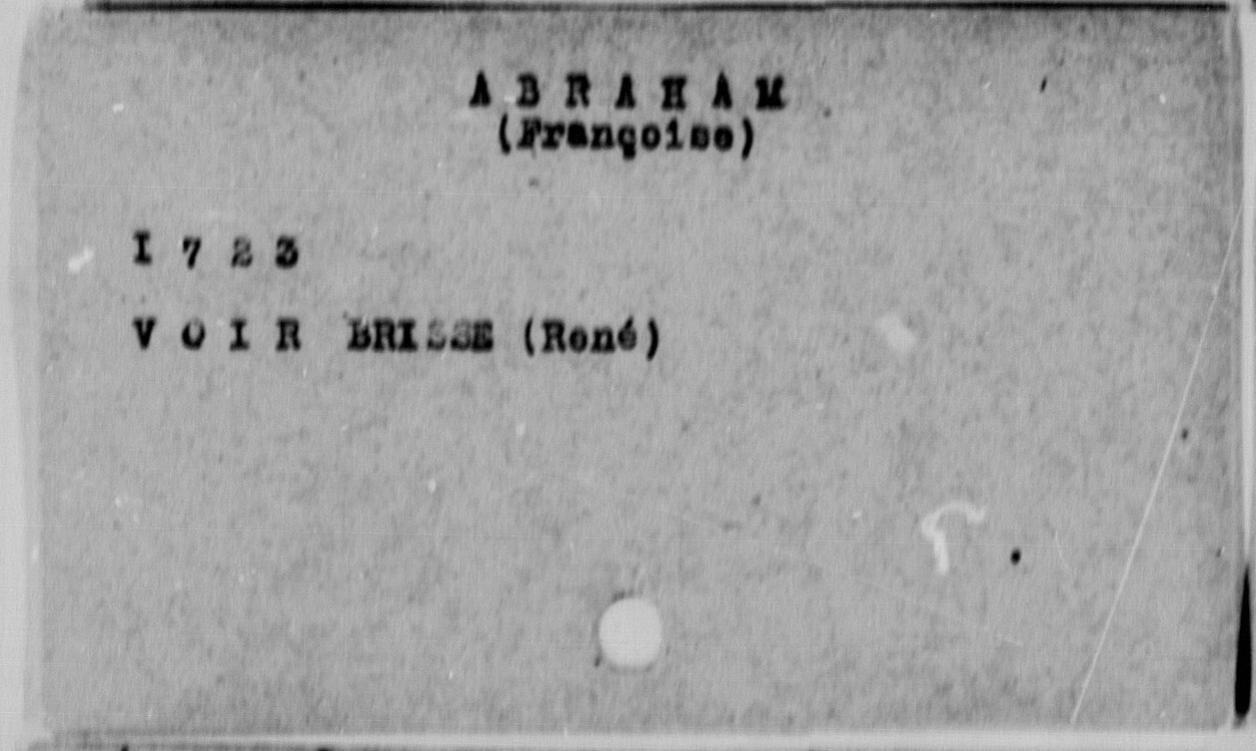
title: ABRAHAM (Françoise)
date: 1723
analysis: Voir BRISSE (René)
